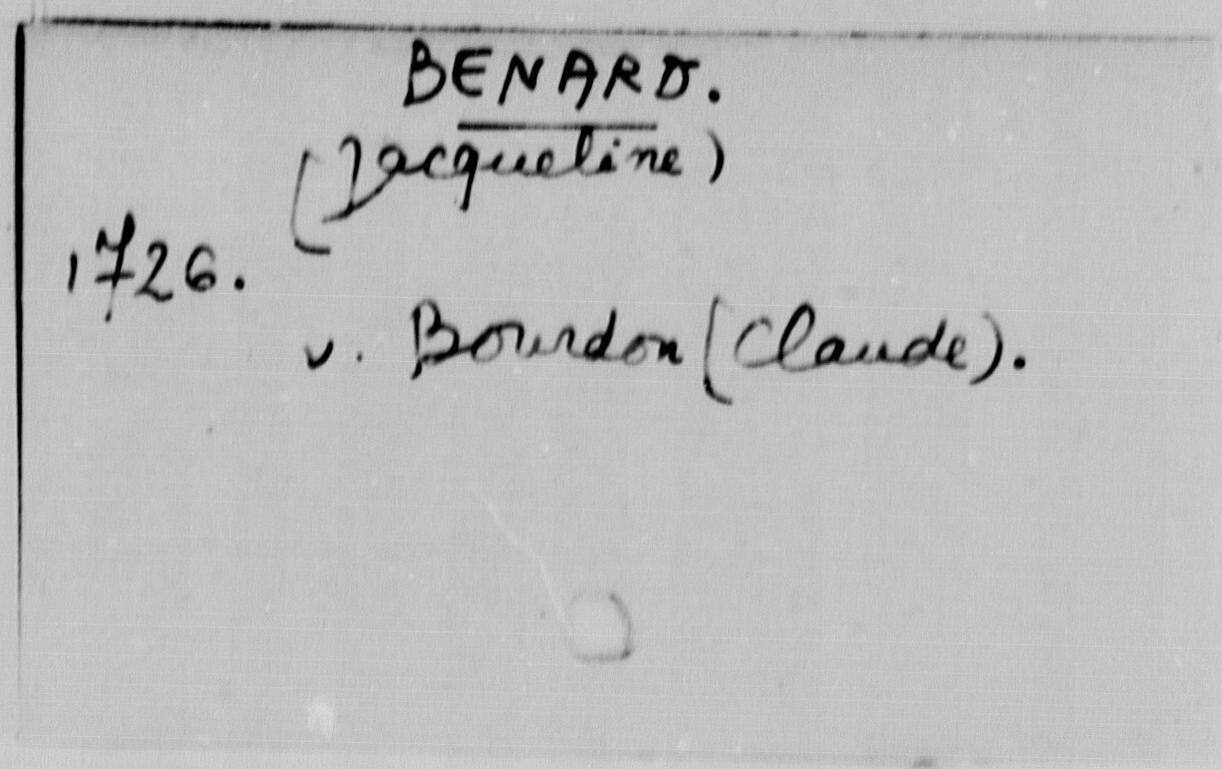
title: BENARD (Jacqueline)
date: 1726
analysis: Voir BOURDON (Claude)
